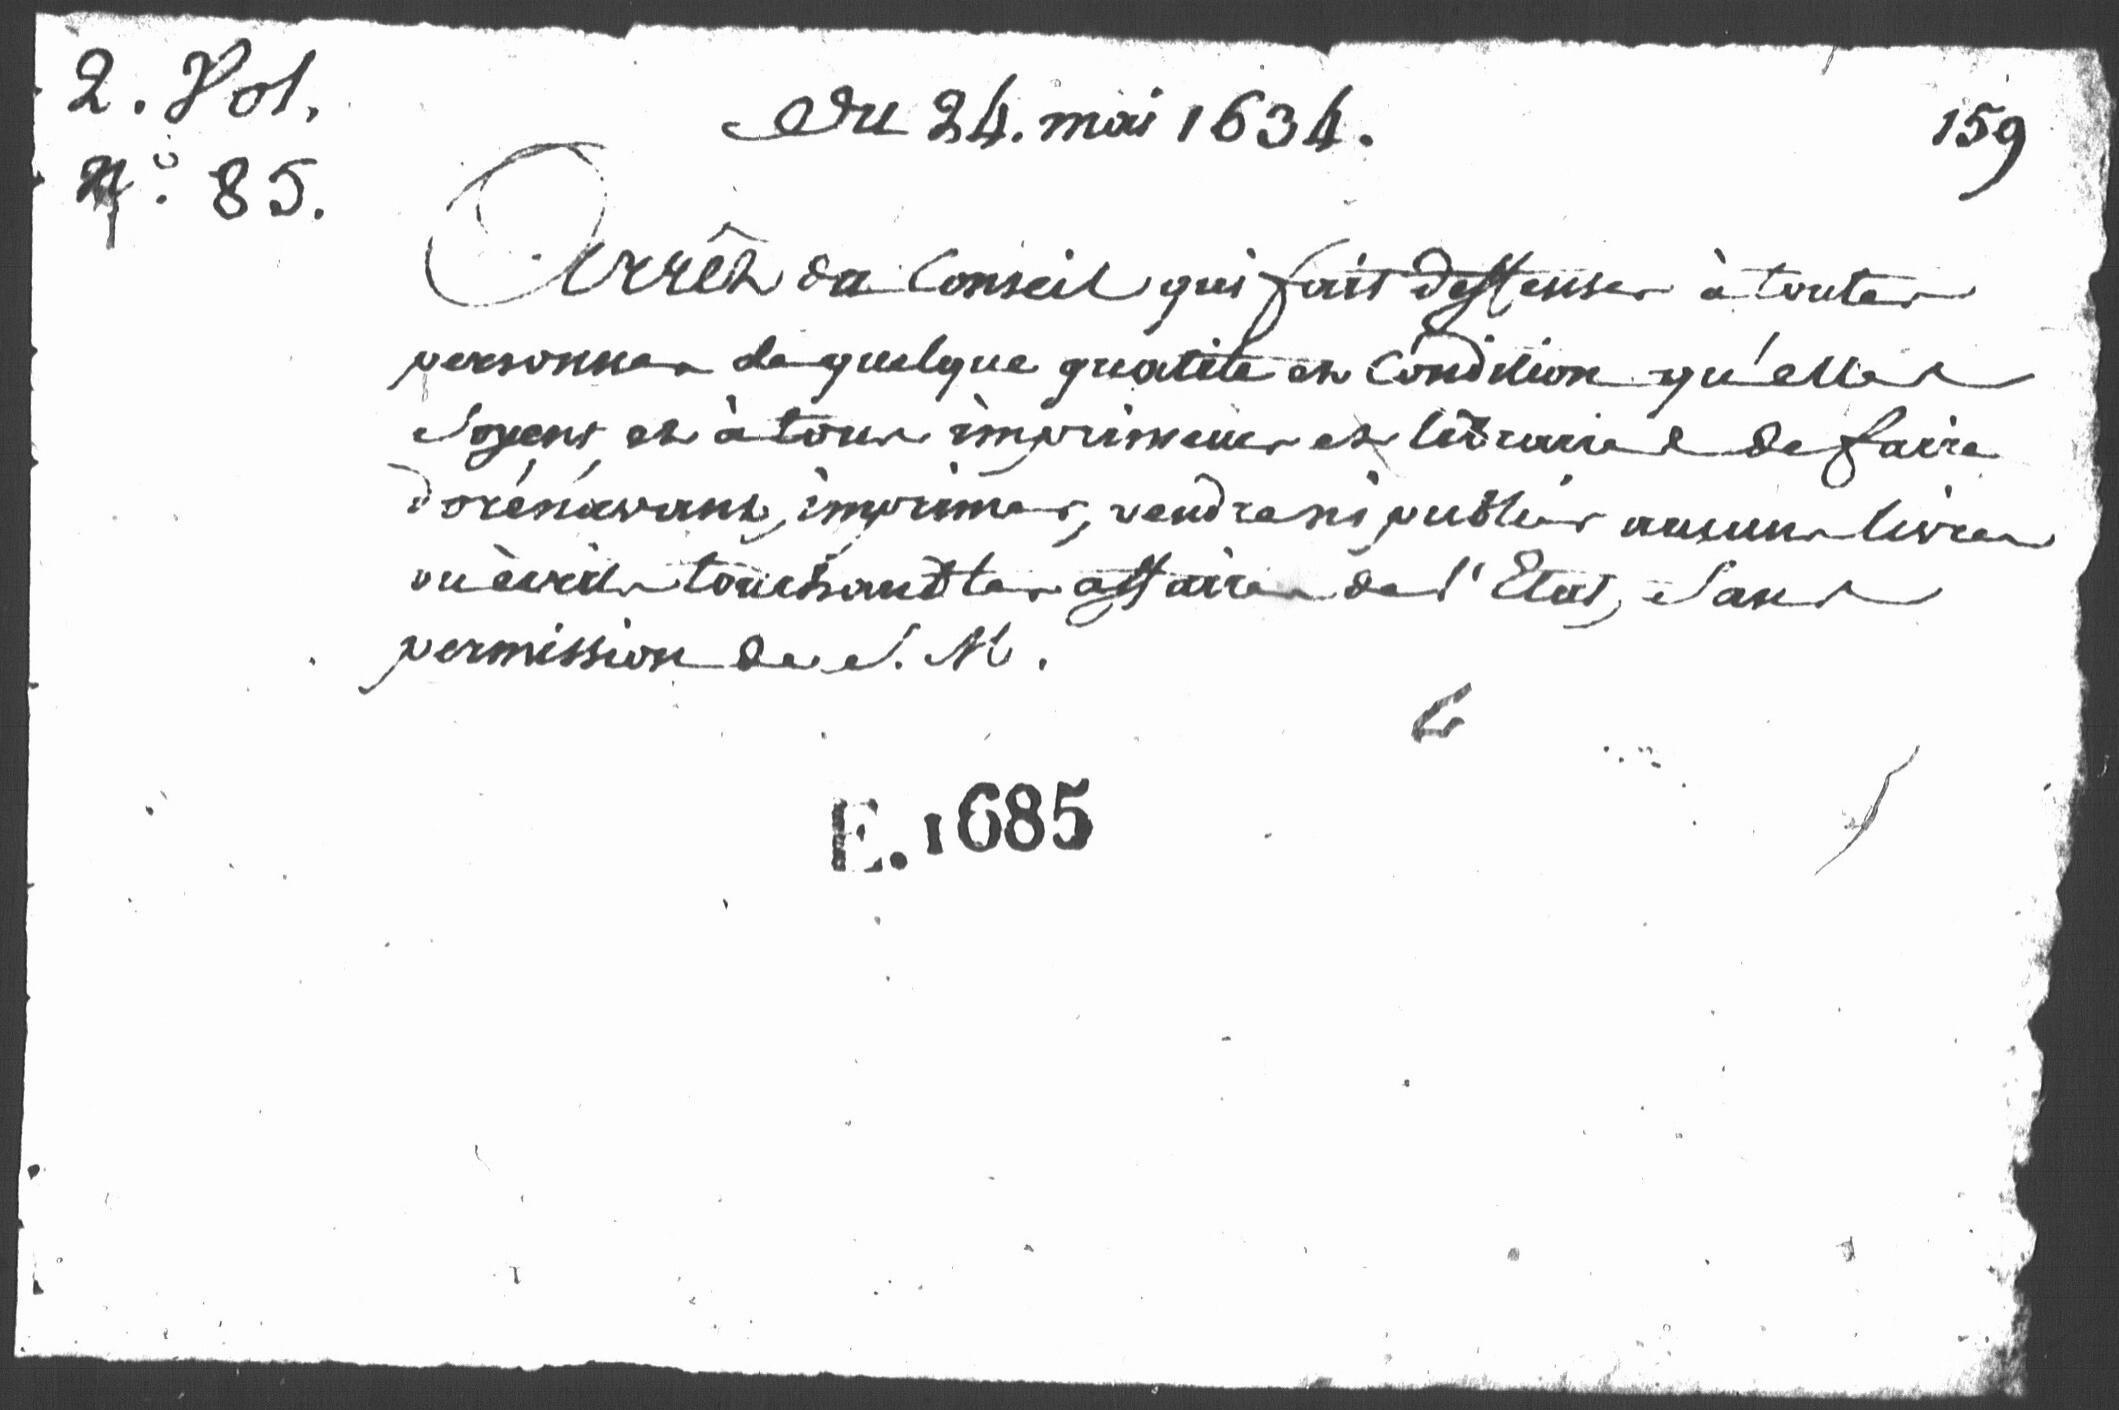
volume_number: n°85
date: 24 mai 1634
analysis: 159
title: Arrêt du Conseil qui fait deffenses à toutes personnes de quelque qualite et condition qu'elles soyent et à tous imprimeurs et libraires de faire dorénavant, imprimer, vendre ni publier aucuns livres ou écrits touchant les affaires de l'Etat , sans permission de S. M.
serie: E
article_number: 1685
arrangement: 2. vol.
